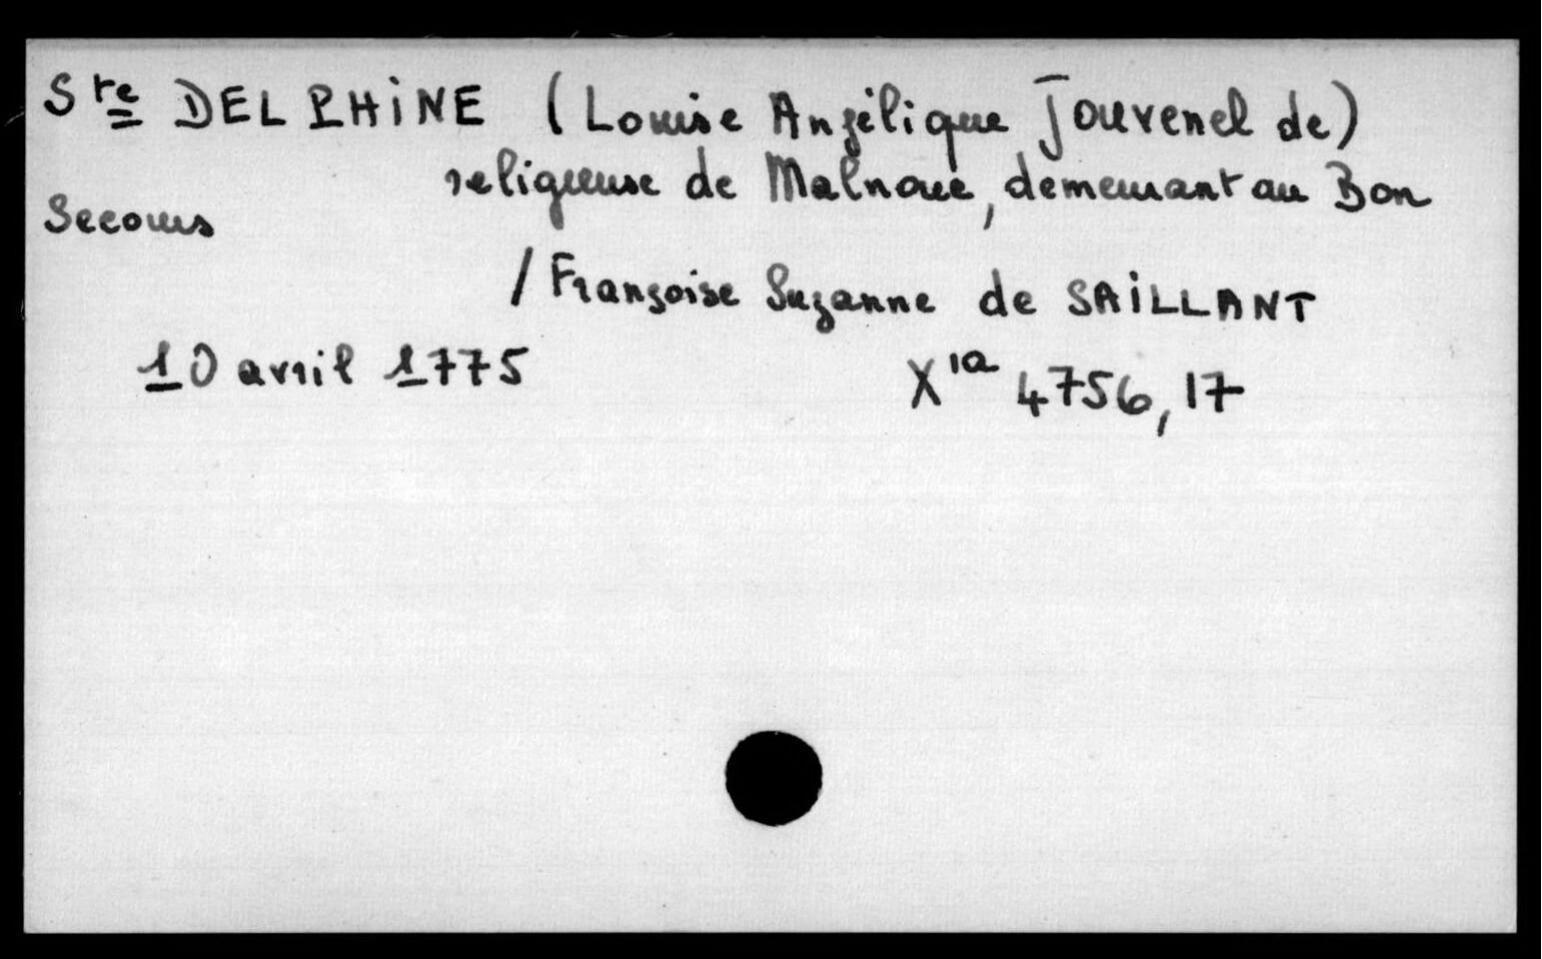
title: SAINTE DELPHINE (Louise Angélique Jouvenel de) religieuse de Malnoue, demeurant au Bon Secours
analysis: Contre Françoise Suzanne de SAILLANT
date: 10 avril 1775
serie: X1a
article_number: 4756
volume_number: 17
